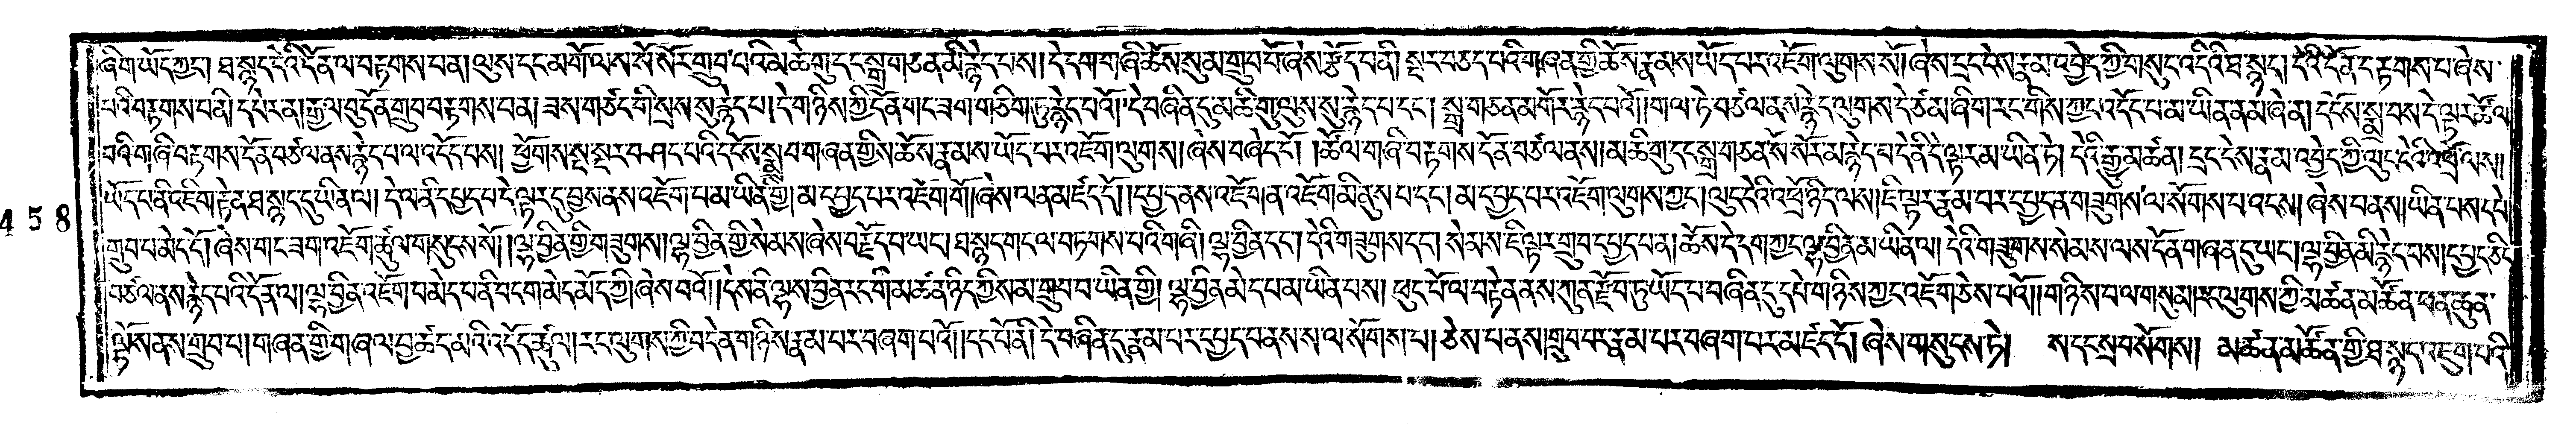ཞིག་ཡོད་ཀྱང་། ཐ་སྙད་དེའི་དོན་ལ་བརྟགས་པ་ན། ལུས་དང་མགོ་ལས་སོ་སོར་གྲུབ་པའི་མཆེ་གུ་དང་སྒྲ་གཅན་མི་རྙེད་པས། དེ་དག་གཞི་ཆོས་སུ་མ་གྲུབ་བོ་ཞེས་རྩོད་པ་ནི། སྔར་བཅད་པའི་གཞན་གྱི་ཆོས་རྣམས་ཡོད་བར་འཇོག་ལུགས་སོ། ཞེས་དྲང་ངེས་རྣམ་འབྱེད་ཀྱི་གསུང་འདིའི་ཐ་སྙད། དེའི་དོན་བརྟགས་པ་ཞེས་
པའི་བརྟགས་བ་ནི། དཔེར་ན། རྒྱལ་བུ་དོན་གྲུབ་བརྟགས་པ་ན། ཟས་གཙང་གི་སྲས་སུ་རྙེད་པ། དེ་གཉིས་ཀྱི་དོན་གང་ཟག་གཅིག་ཏུ་རྙེད་པའོ། །དེ་བཞིན་དུ་མཆི་གུ་ལུས་སུ་རྙེད་པ་དང་། སྒྲ་གཅན་མགོར་རྙེད་བའོ། །གལ་ཏེ་བཙལ་ནས་རྙེད་ལུགས་དེ་ཙམ་ཞིག་རང་གིས་ཀྱང་འདོད་པ་མ་ཡིན་ནམ་ཞེ་ན། དངོས་སྨྲ་བས་དེ་ལྟར་ཚོལ་
བའི་གཞི་བརྟགས་དོན་བཙལ་ནས་རྙེད་པ་ལ་འདོད་བས། ཕྱོགས་སྔ་སྔར་བཤད་པའི་དངོས་སྨྲ་བ་གཞན་གྱིས་ཆོས་རྣམས་ཡོད་པར་འཇོག་ལུགས། ཞེས་བཞེད་དོ། །ཚོལ་གཞི་བརྟགས་དོན་བཙལ་ནས། མཆི་གུ་དང་སྒྲ་གཅན་སོ་སོར་མ་རྙེད་བ་དེ་ནི་དེ་ལྟར་མ་ཡིན་ཏེ། དེའི་རྒྱུ་མཚན། དྲང་ངེས་རྣམ་འབྱེད་ཀྱི་ལུང་དེའི་འཕྲོ་ལས།
ཡོད་བ་ནི་འཇིག་རྟེན་ཐ་སྙད་དུ་ཡིན་ལ། དེ་ལ་ནི་དཔྱད་པ་དེ་ལྟར་དུ་བྱས་ནས་འཇོག་པ་མ་ཡིན་གྱི། མ་དཔྱད་པར་འཇོག་གོ །ཞེས་ལན་མཛད་དོ། །དཔྱད་ནས་འཇོག་ན་འཇོག་མི་ནུས་པ་དང་། མ་དཔྱད་བར་འཇོག་ལུགས་ཀྱང་། ལུང་དེའི་འཕྲོ་ཉིད་ལས། ཇི་ལྟར་རྣམ་པར་དཔྱད་ན་གཟུགས་ལ་སོགས་པ་འདས། ཞེས་པ་ནས། ཡིན་པས་དཔེ་
གྲུབ་པ་མེད་དོ། ཞེས་གང་ཟག་འཇོག་ཚུལ་གསུངས་སོ། །ལྷ་བྱིན་གྱི་གཟུགས། ལྷ་བྱིན་གྱི་སེམས་ཞེས་བརྗོད་བ་ཡང་། ཐ་སྙད་གང་ལ་བཏགས་པའི་གཞི། ལྷ་བྱིན་དང་། དེའི་གཟུགས་དང་། སེམས་ཇི་ལྟར་གྲུབ་དཔྱད་པ་ན། ཆོས་དེ་དག་ཀྱང་ལྷ་བྱིན་མ་ཡིན་ལ། དེའི་གཟུགས་སེམས་ལས་དོན་གཞན་དུ་ཡང་། ལྷ་བྱིན་མི་རྙེད་པས། དཔྱད་ཅིང་
བཙལ་ནས་རྙེད་པའི་དོན་ལ། ལྷ་བྱིན་འཇོག་བ་མེད་བ་ནི་བདག་མེད་མོད་ཀྱི། ཞེས་བའོ། །དེས་ནི་ལྷས་བྱིན་རང་གི་མཚན་ཉིད་ཀྱིས་མ་གྲུབ་བ་ཡིན་གྱི། ལྷ་བྱིན་མེད་པ་མ་ཡིན་པས། ཕུང་པོ་ལ་བརྟེན་ནས་ཀུན་རྫོབ་ཏུ་ཡོད་པ་བཞིན་དུ་དཔེ་གཉིས་ཀྱང་འཇོག་ཅེས་པའོ། །གཉིས་བ་ལ་གསུམ། རང་ལུགས་ཀྱི་མཚན་མཚོན་ཕན་ཆུན་
ལྟོས་ནས་གྲུབ་པ། གཞན་གྱི་གཞལ་བྱ་ཚད་མའི་འདོད་ཚུལ། རང་ལུགས་ཀྱི་བདེན་གཉིས་རྣམ་བར་བཞག་པའོ། །དང་པོ་ནི། དེ་བཞིན་དུ་རྣམ་བར་དཔྱད་པ་ནས་ས་ལ་སོགས་པ། ཅེས་པ་ནས། གྲུབ་པར་རྣམ་པར་བཞག་པར་མཛད་དོ། ཞེས་གསུངས་ཏེ། ས་དང་སྲ་བ་སོགས། མཚན་མཚོན་གྱི་ཐ་སྙད་འཇུག་པའི་